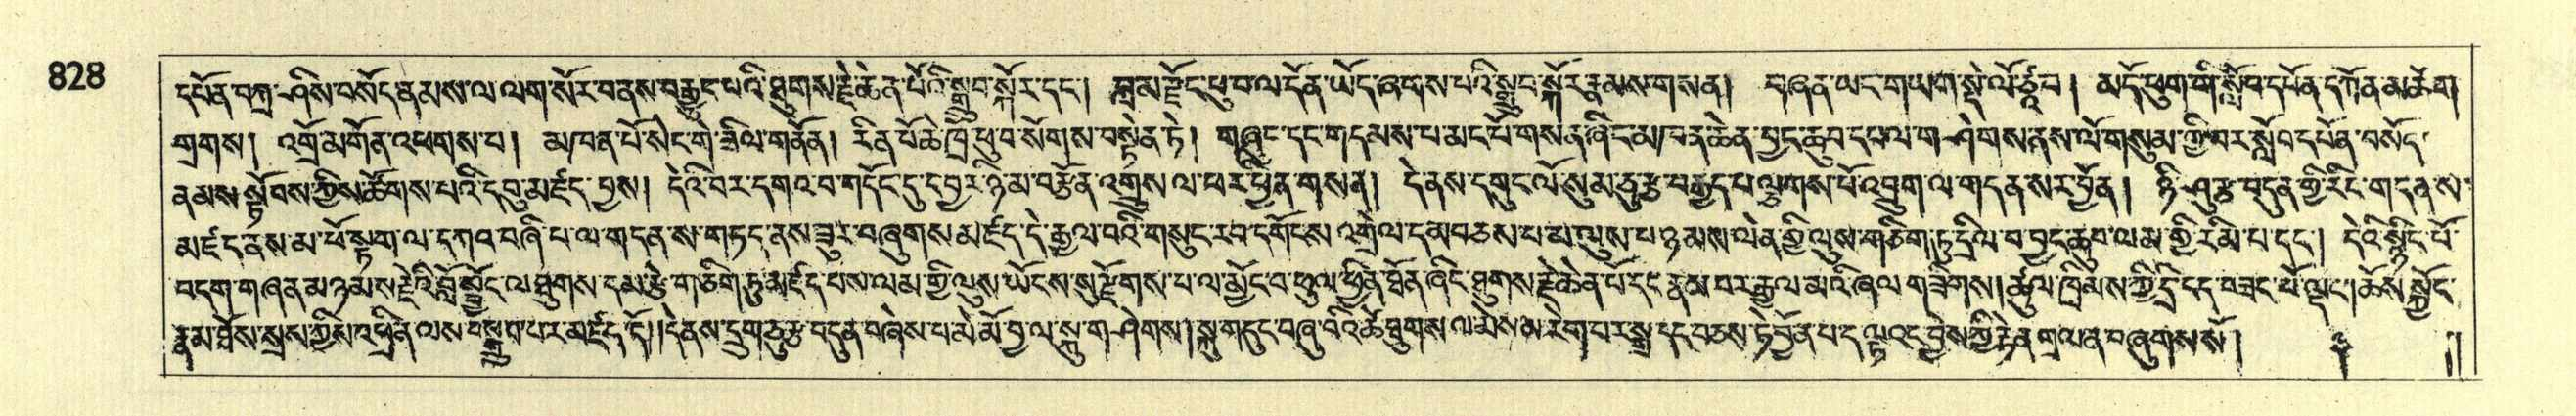དཔོན་བཀྲ་ཤིས་བསོད་ནམས་ལ་ལག་སོར་བ་ནས་བརྒྱུད་པའི་ཐུགས་རྗེ་ཆེན་པོའི་སྒྲུབ་སྐོར་དང་། བླ་མ་རྫོང་པུ་བ་ལ་དོན་ཡོད་ཞགས་པའི་སྒྲུབ་སྐོར་རྣམས་གསན། གཞན་ཡང་གཡག་སྡེ་ལོ་ཙཱ་བ། མདོ་ཕུག་གི་སློབ་དཔོན་དཀོན་མཆོག་
གྲགས། འགྲོ་མགོན་འཕགས་པ། མཁན་པོ་སེང་གེ་ཟིལ་གནོན། རིན་པོ་ཆེ་ཁྲོ་ཕུ་བ་སོགས་བསྟེན་ཏེ། གཞུང་དང་གདམས་པ་མང་པོ་གསན་ཞིང་མཁན་ཆེན་བྱང་ཆུབ་དཔལ་གཤེགས་ནས་ལོ་གསུམ་གྱི་བར་སློབ་དཔོན་བསོད་
ནམས་སྟོབས་ཀྱིས་ཚོགས་པའི་དབུ་མཛད་བྱས། དེའི་བར་དགའ་བ་གདོང་དུ་དབྱར་ཉི་མ་བརྩོན་འགྲུས་ལ་ཕར་ཕྱིན་གསན། དེ་ནས་དགུང་ལོ་སུམ་ཅུ་རྩ་བརྒྱད་པ་ལྕགས་པོ་འབྲུག་ལ་གདན་སར་བྱོན། ཉི་ཤུ་རྩ་བདུན་གྱི་རིང་གདན་ས་
མཛད་ནས་མ་ཕོ་སྟག་ལ་དཀའ་བཞི་པ་ལ་གདན་ས་གཏད་ནས་ཟུར་བཞུགས་མཛད་དེ་རྒྱལ་བའི་གསུང་རབ་དགོངས་འགྲེལ་དམ་བཅས་པ་མ་ལུས་པ་ཉམས་ལེན་གྱི་ལུས་གཅིག་ཏུ་དྲིལ་བ་བྱང་ཆུབ་ལམ་གྱི་རིམ་པ་དང་། དེའི་སྙིང་པོ་
བདག་གཞན་མཉམས་རྗེའི་བློ་སྦྱོང་ལ་ཐུགས་དམ་རྩེ་གཅིག་ཏུ་མཛད་པས་ལམ་གྱི་ལུས་ཡོངས་སུ་རྫོགས་པ་ལ་མྱོང་བ་ཕུལ་ཕྱིན་ཐོན་ཞིང་ཐུགས་རྗེ་ཆེན་པོ་དང་རྣམ་བར་རྒྱལ་མའི་ཞལ་གཟིགས། ཚུལ་ཁྲིམས་ཀྱི་དྲི་ངད་བཟང་པོ་ལྡང་། ཆོས་སྐྱོང་
རྣམ་ཐོས་སྲས་ཀྱིས་འཕྲིན་ལས་བསྒྲུབ་པར་མཛད་དོ། །དེ་ནས་དྲུག་ཅུ་རྩ་བདུན་བཞེས་པ་མེ་མོ་བྱ་ལ་སྐུ་གཤེགས། སྐུ་གདུང་བཞུ་བའི་ཚེ་ཐུགས་ལ་མེས་མ་རེག་པར་སྒྲ་དང་བཅས་ཏེ་བྱོན་པ་ད་ལྟའང་བྱེས་ཀྱི་རྟེན་གྲལ་ན་བཞུགས་སོ། ༈ །།